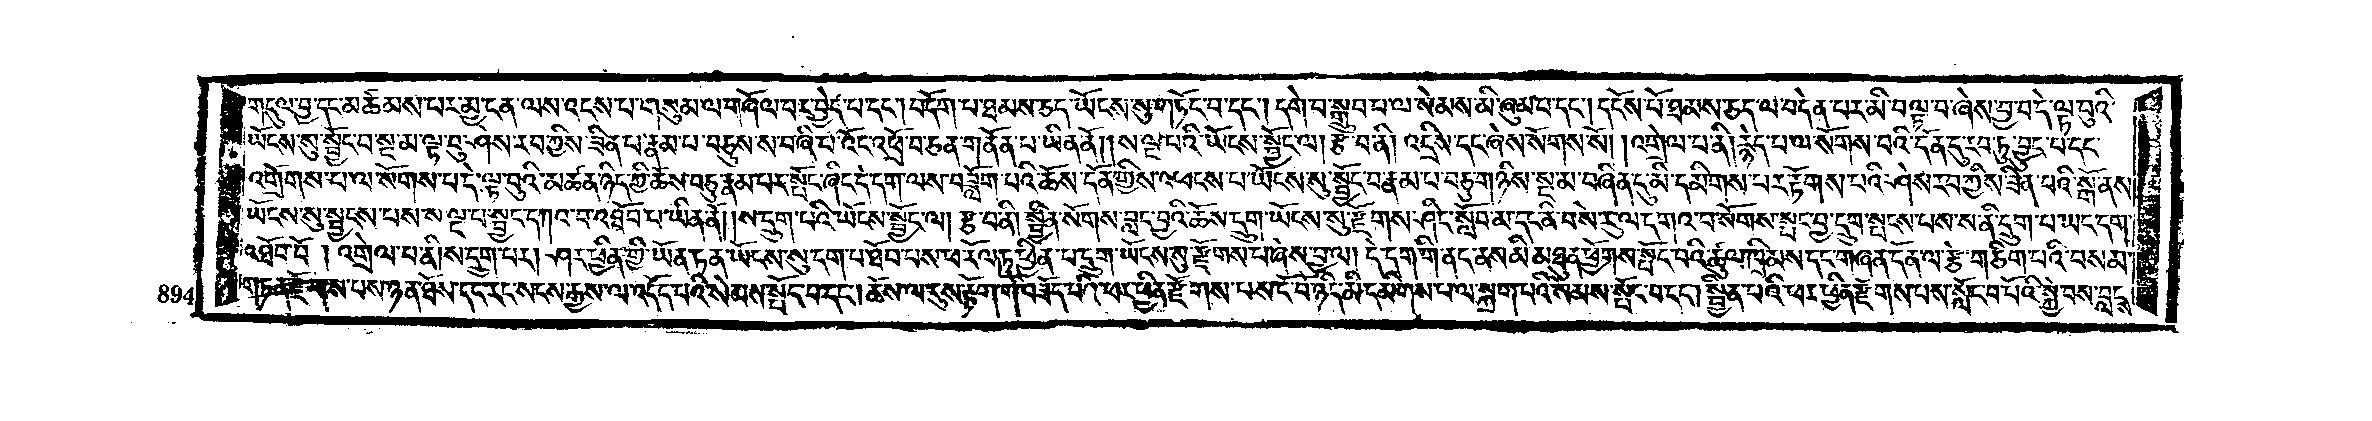གདུལ་བྱ་དང་མཚམས་པར་མྱ་ངན་ལས་འདས་པ་གསུམ་ལ་གཞོལ་བར་བྱེད་པ་དང་། བདོག་པ་ཐམས་ཅད་ཡོངས་སུ་གཏོང་བ་དང་། དགེ་བ་སྒྲུབ་པ་ལ་སེམས་མི་ཞུམ་པ་དང་། དངོས་པོ་ཐམས་ཅད་ལ་བདེན་པར་མི་བལྟ་བ་ཞེས་བྱ་བ་དེ་ལྟ་བུའི་
ཡོངས་སུ་སྦྱོང་བ་སྔ་མ་ལྟ་བུ་ཤེས་རབ་ཀྱིས་ཟིན་པ་རྣམ་པ་བཅུས་ས་བཞི་པ་འོད་འཕྲོ་བ་ཅན་གནོན་པ་ཡིན་ནོ། །ས་ལྔ་པའི་ཡོངས་སྦྱོང་ལ། རྩ་བ་ནི། འདྲིས་དང་ཞེས་སོགས་སོ། །འགྲེལ་པ་ནི། རྙེད་པ་ལ་སོགས་པའི་དོན་དུ་རབ་ཏུ་བྱུང་པ་དང་
འགྲོགས་པ་ལ་སོགས་པ་དེ་ལྟ་བུའི་མཚན་ཉིད་ཀྱི་ཆོས་བཅུ་རྣམ་པར་སྤོང་ཞིང་དེ་དག་ལས་བཟློག་པའི་ཆོས་དོན་གྱིས་འཕངས་པ་ཡོངས་སུ་སྦྱོང་བ་རྣམ་པ་བཅུ་གཉིས་སྔ་མ་བཞིན་དུ་མི་དམིགས་པར་རྟོགས་པའི་ཤེས་རབ་ཀྱིས་ཟིན་པའི་སྒོ་ནས་
ཡོངས་སུ་སྦྱངས་པས་ས་ལྔ་པ་སྦྱང་དཀའ་བ་འཐོབ་པ་ཡིན་ནོ། །ས་དྲུག་པའི་ཡོངས་སྦྱོང་ལ། རྩ་བ་ནི། སྦྱིན་སོགས་བླང་བྱའི་ཆོས་དྲུག་ཡོངས་སུ་རྫོགས་ཤིང་སློབ་མ་དང་ནི་བསེ་རུ་ལ་དགའ་བ་སོགས་སྤང་བྱ་དྲུག་སྤངས་པས་ས་ནི་དྲུག་པ་ཡང་དག་
འཐོབ་བོ། འགྲེལ་པ་ནི། ས་དྲུག་པར། ཤེར་ཕྱིན་གྱི་ཡོན་ཏན་ཡོངས་སུ་དག་པ་ཐོབ་པས་ཕ་རོལ་ཏུ་ཕྱིན་པ་དྲུག་ཡོངས་སུ་རྫོགས་པ་ཞེས་བྱ་ལ། དེ་དག་གི་ནང་ནས་མི་མཐུན་ཕྱོགས་སྤོང་བའི་ཚུལ་ཁྲིམས་དང་གཞན་དོན་ལ་རྩེ་གཅིག་པའི་བསམ་
གཏན་རྫོགས་པས་ཉན་ཐོས་དང་རང་སངས་རྒྱས་ལ་འདོད་པའི་སེམས་སྤོང་བ་དང་། ཆོས་ལ་དུས་རྟོག་གི་བཟོད་པའི་ཕར་ཕྱིན་རྫོགས་པས་ངོ་བོ་ཉིད་མི་དམིགས་པ་ལ་སྐྲག་པའི་སེམས་སྤོང་བ་དང་། སྦྱིན་པའི་ཕར་ཕྱིན་རྫོགས་པས་སློང་བ་པོའི་སྐྱེ་བས་བླངས་